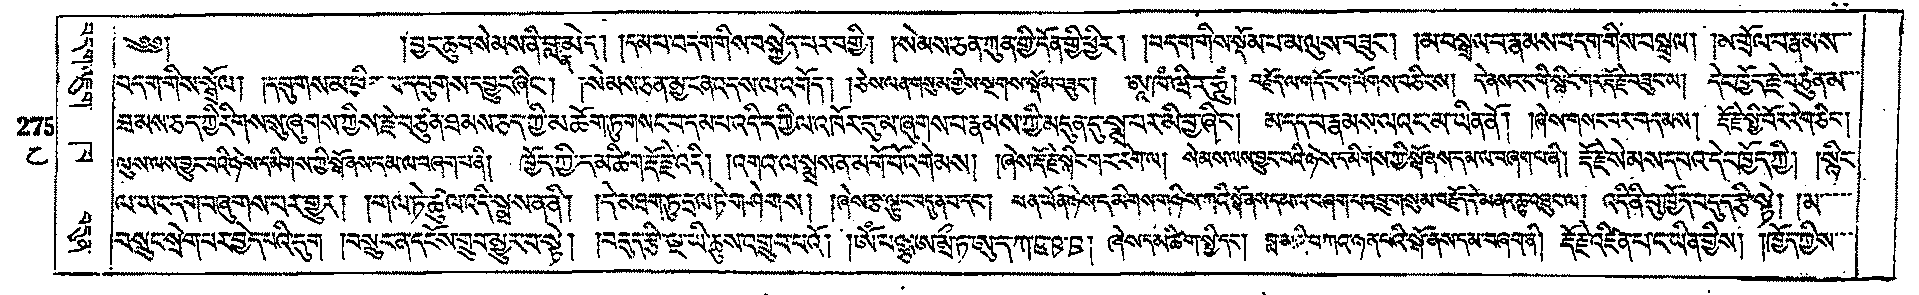༄༅། །བྱང་ཆུབ་སེམས་ནི་བླན་མེད། །དམ་པ་བདག་གིས་བསྐྱེད་པར་བགྱི། །སེམས་ཅན་ཀུན་གྱི་དོན་གྱི་ཕྱིར། །བདག་གིས་སྡོམ་པ་མ་ལུས་བཟུང་། །མ་བསྒྲལ་བ་རྣམས་བདག་གིས་བསྒྲལ། །མ་གྲོལ་བ་རྣམྶ་་་
བདག་གིས་སྒྲོལ། །དབུགས་མ་ཕྱིན་མ་དབུགས་དབྱུང་ཞིང་། །སེམས་ཅན་མྱ་ངན་འདས་ལ་འགོད། །ཅེས་ལན་གསུམ་གྱིས་སྔགས་སྡོམ་བཟུང་།  ཨཱ་ཁཾ་ཝི་ར་ཧཱུཾ། བརྗོད་ལ་གདོང་གཡོགས་བཅིངས། དེ་ནས་རང་གི་སྙིང་གར་རྡོ་རྗེ་བཟུང་ལ།  དེང་ཁྱོད་རྗེ་བཙུན་མ་་་
ཐམས་ཅད་ཀྱི་རིགས་སུ་ཞུགས་ཀྱིས་རྗེ་བཙུན་ཐམས་ཅད་ཀྱི་མཆོག་ཏུ་གསང་བ་དམ་པ་འདི་དཀྱིལ་འཁོར་དུ་མ་ཞུགས་པ་རྣམས་ཀྱི་མདུན་དུ་སྨྲ་བར་མི་བྱ་ཞིང་། མ་དད་པ་རྣམས་ལའང་མ་ཡིན་ནོ། །ཞེས་གསང་བར་གདམས།  རྡོ་རྗེ་སྤྱི་བོར་རེག་ཅིང་།
ལུས་ལས་བྱུང་བའི་ཉེས་དམིགས་ཀྱི་སྒོ་ནས་དམ་ལ་བཞག་པ་ནི། ཁྱོད་ཀྱི་དམ་ཚིག་རྡོ་རྗེ་འདི། །འགའ་ལ་སྨྲས་ན་མགོ་བོ་འགེམས། །ཞེས་རྡོ་རྗེ་སྙིང་གར་རེག་ལ། སེམས་ལས་བྱུང་བའི་ཉེས་དམིགས་ཀྱི་སྒོ་ནས་དམ་ལ་བཞག་པ་ནི།  རྡོ་རྗེ་སེམས་དཔའ་དེང་ཁྱོད་ཀྱི། །སྙིང་
ལ་ཡང་དག་བཞུགས་པར་གྱུར། །གལ་ཏེ་ཚུལ་འདི་སྨྲས་ན་ནི། །དེ་མ་ཐག་ཏུ་དྲལ་ཏེ་གཤེགས། །ཞེས་རྩ་ལྟུང་བདུན་པ་དང་། ཕན་ཡོན་ཉེས་དམིགས་གཉིས་ཀའི་སྒོ་ནས་དམ་ལ་བཞག་པ་འབྲུ་གསུམ་བརྗོད་དེ་མནའ་ཆུ་འཐུང་ལ།  འདི་ནི་བུ་ཁྱོད་བདུད་རྩི་སྟེ། །མ་་་
བསྲུང་སྲེག་པར་བྱེད་པའི་དུག །བསྲུང་ན་དངོས་གྲུབ་མྱུར་བ་སྟེ། །བདུད་རྩི་ལྔ་ཡི་ཆུས་འགྲུབ་པའོ། །ཨོཾ་པཉྩ་ཨ་མྲྀ་ཏ་ཨུ་ད་ཀ་ཊཿཨ་ཊཿཨ་ཊཿཨ། ཞེས་དམ་ཚིག་སྤྱི་དང་། བླ་མའི་བཀའ་ཉན་པའི་སྒོ་ནས་དམ་བཞག་ནི།  རྡོ་རྗེ་འཛིན་པ་ང་ཡིན་གྱིས། །ཁྱོད་ཀྱིས་་་